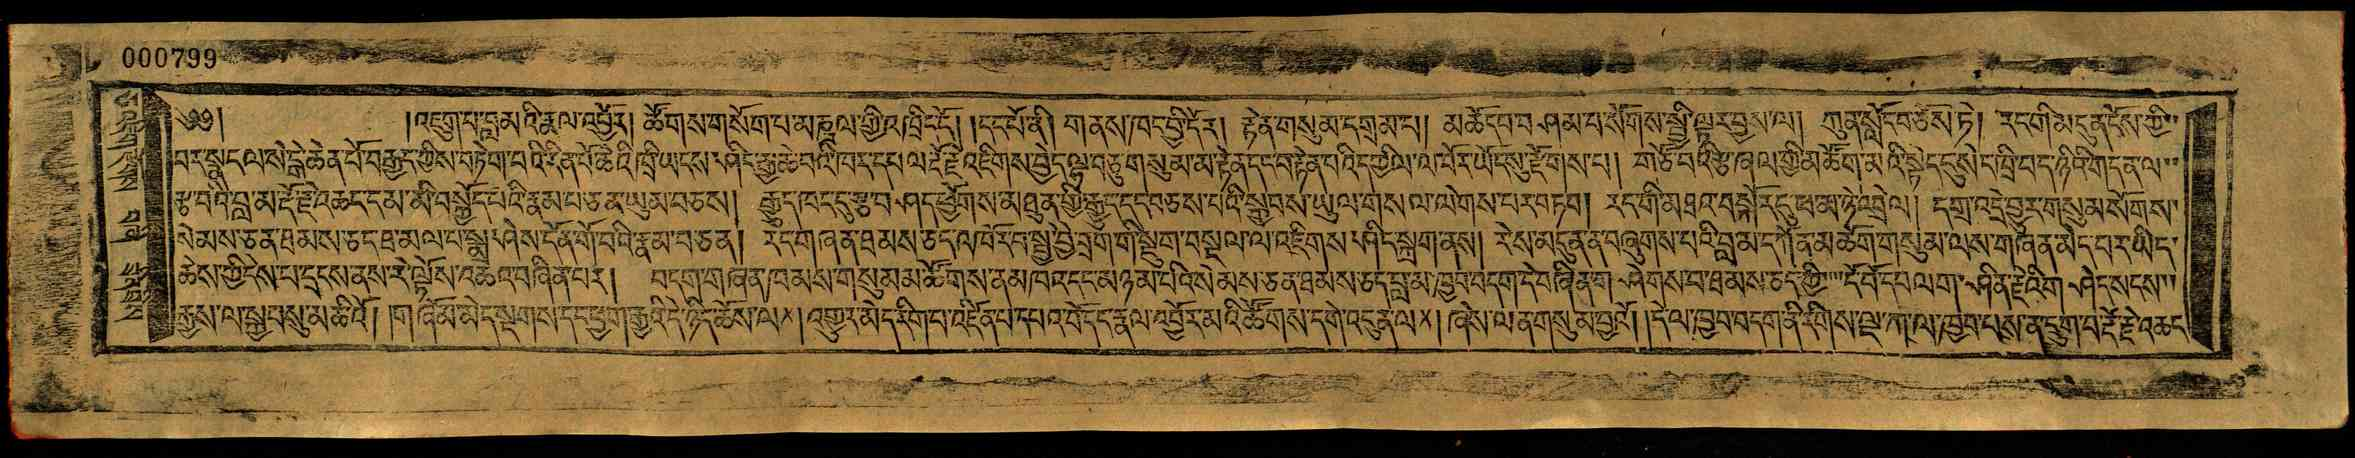༄༅། །འཇུག་པ་བླ་མའི་རྣལ་འབྱོར། ཚོགས་གསོག་པ་མཎྜལ་གྱི་འཁྲིད་དོ། །དང་པོ་ནི། གནས་ཁང་བྱི་དོར། རྟེན་གསུམ་དགྲམ་པ། མཆོད་པ་བཤམ་པ་སོགས་སྤྱི་ལྟར་བྱས་ལ། ཀུན་སློང་བཅོས་ཏེ། རང་གི་མདུན་ངོས་ཀྱི་
བར་སྣང་ལ་སེངྒེ་ཆེན་པོ་བརྒྱད་ཀྱིས་བཏག་པའི་རིན་པོ་ཆེའི་ཁྲི་ཡངས་ཤིང་རྒྱ་ཆེ་བའི་ཁར་དཔལ་རྡོ་རྗེ་འཇིགས་བྱེད་ལྷ་བཅུ་གསུམ་མ་རྟེན་དང་བརྟེན་པའི་དཀྱིལ་འཁོར་ཡོངས་སུ་རྫོགས་པ། གཙོ་བོའི་རྩ་ཞལ་གྱི་མཆོག་མའི་སྟེང་དུ་སེང་ཁྲི་པད་ཉིའི་གདན་ལ་
རྩ་བའི་བླ་མ་རྡོ་རྗེ་འཆང་ངམ་མི་བསྐྱོད་པའི་རྣམ་པ་ཅན་ཡུམ་བཅས། རྒྱུད་ཁང་དུ་རྩ་བཤད་ཕྱོགས་མཐུན་གྱི་རྒྱུད་དང་བཅས་པའི་སྐྱབས་ཡུལ་གསལ་ལེགས་པར་བཏབ། རང་གི་མཐའ་བསྐོར་དུ་ཕ་མ་ཉེ་འབྲེལ། དགྲ་འདྲེ་བྱུར་གསུམ་སོགས་
སེམས་ཅན་ཐམས་ཅད་ཐ་མལ་བ་སྨྲ་ཤེས་དོན་གོ་བའི་རྣམ་པ་ཅན། རང་གཞན་ཐམས་ཅད་འཁོར་བ་སྤྱི་བྱེ་བྲག་གི་སྡུག་བསྔལ་ལ་འཇིགས་ཤིང་སྐྲག་ནས། རེ་ས་མདུན་ན་བཞུགས་པའི་བླ་མ་དཀོན་མཆོག་གསུམ་ལས་གཞན་མེད་པར་ཡིད་
ཆེས་ཀྱི་ངེས་པ་དྲངས་ནས་རེ་ལྟོས་འཆའ་བཞིན་པར། བདག་གཞན་ཁམས་གསུམ་མ་ཚོགས་ནམ་མཁའ་དང་མཉམ་པའི་སེམས་ཅན་ཐམས་ཅད་བླ་མ་ཁྱབ་བདག་དེ་བཞིན་གཤེགས་པ་ཐམས་ཅད་ཀྱི་ངོ་བོ་དཔལ་གཤིན་རྗེའི་གཤེད་སངས་
རྒྱས་ལ་སྐྱབས་སུ་མཆིའོ། །གཞོམ་མེད་སྔགས་དང་ཕྱག་རྒྱའི་དེ་ཉིད་ཆོས་ལ་྾། འགྱུར་མེད་རིག་པ་འཛིན་པ་དཔའ་བོ་དང་རྣལ་འབྱོར་མའི་ཚོགས་དགེ་འདུན་ལ་྾། ཞེས་ལན་གསུམ་བྱའོ། །དེ་ལ་ཁྱབ་བདག་ནི་རིགས་ལྔ་ཀ་ལ་ཁྱབ་པས་ན་དྲུག་པ་རྡོ་རྗེ་འཆང་